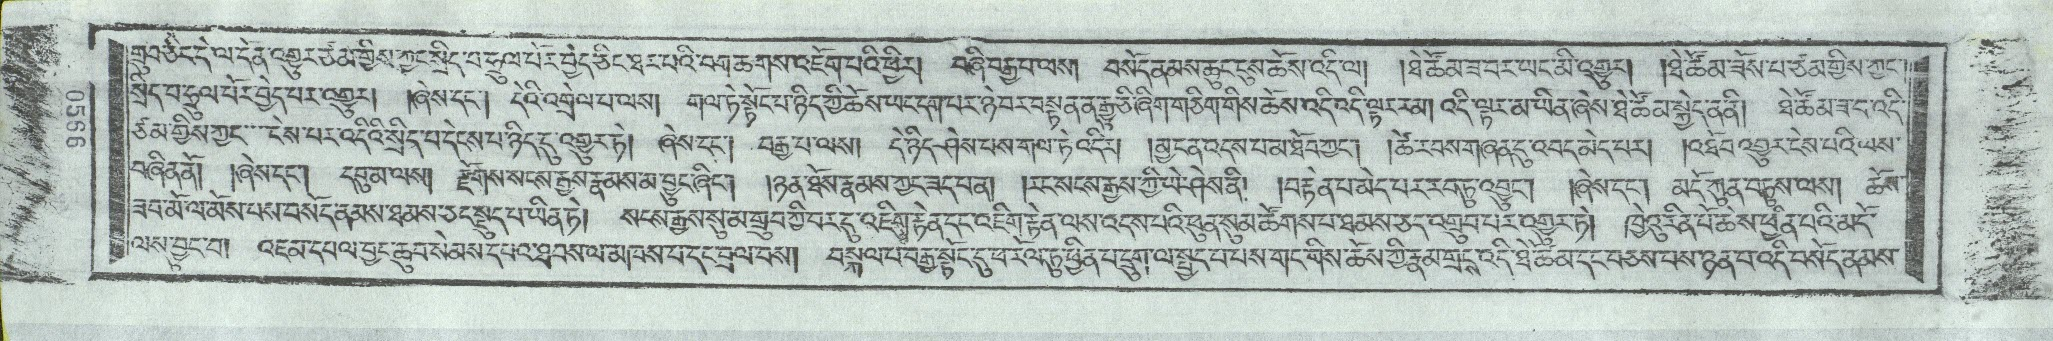གྲུབ་ཅིང་དེ་ལ་དོན་འགྱུར་ཙམ་གྱིས་ཀྱང་སྲིད་བ་ཧྲུལ་པོར་བྱེད་ཅིང་ཐར་པའི་བག་ཆགས་འཇོག་པའི་ཕྱིར། བཞི་བརྒྱ་པ་ལས། བསོད་ནམས་ཆུང་ངུས་ཆོས་འདི་ལ། །ཐེ་ཚོམ་ཟ་བར་ཡང་མི་འགྱུར། །ཐེ་ཚོམ་ཟོས་པ་ཙམ་གྱིས་ཀྱང་།
སྲིད་པ་ཧྲུལ་པོར་བྱེད་པར་འགྱུར། །ཞེས་དང་། དེའི་འགྲེལ་པ་ལས། གལ་ཏེ་སྟོང་པ་ཉིད་ཀྱི་ཆོས་ཡང་དག་པར་ཉེ་བར་བསྟན་ན་རྒྱུ་ཅི་ཞིག་གཅིག་གིས་ཆོས་འདི་འདི་ལྟར་རམ། འདི་ལྟར་མ་ཡིན་ཞེས་ཐེ་ཚོམ་སྐྱེད་ན་ནི། ཐེ་ཚོམ་ཟ་བ་འདི་
ཙམ་གྱིས་ཀྱང་ངེས་པར་འདིའི་སྲིད་པ་དེངས་པ་ཉིད་དུ་འགྱུར་ཏེ། ཞེས་དང་། བརྒྱ་པ་ལས། དེ་ཉིད་ཤེས་པས་གལ་ཏེ་འདིར། །མྱ་ངན་འདས་པ་མ་ཐོབ་ཀྱང་། །ཚེ་རབས་གཞན་དུ་འབད་མེད་པར། །འཐོབ་འབྱུང་ངེས་པའི་ལས་
བཞིན་ནོ། །ཞེས་དང་། དབུ་མ་ལས། རྫོགས་སངས་རྒྱས་རྣམས་མ་བྱུང་ཞིང་། །ཉན་ཐོས་རྣམས་ཀྱང་ཟད་པ་ན། །རང་སངས་རྒྱས་ཀྱི་ཡེ་ཤེས་ནི། །བརྟེན་པ་མེད་པར་རབ་ཏུ་འབྱུང་། །ཞེས་དང་། མདོ་ཀུན་བཏུས་ལས། ཆོས་
ཟབ་མོ་ལ་མོས་པས་བསོད་ནམས་ཐམས་ཅད་སྡུད་པ་ཡིན་ཏེ། སངས་རྒྱས་སུ་མ་གྲུབ་ཀྱི་བར་དུ་འཇིག་རྟེན་དང་འཇིག་རྟེན་ལས་འདས་པའི་ཕུན་སུམ་ཚོགས་པ་ཐམས་ཅད་འགྲུབ་པར་འགྱུར་ཏེ། ཁྱེའུ་རིན་པོ་ཆེས་ཕྱིན་པའི་མདོ་
ལས་བྱུང་བ། འཇམ་དཔལ་བྱང་ཆུབ་སེམས་དཔའ་ཐབས་ལ་མཁས་པ་དང་བྲལ་བས། བསྐལ་པ་བརྒྱ་སྟོང་དུ་ཕ་རོལ་ཏུ་ཕྱིན་པ་དྲུག་ལ་སྤྱད་པ་པས་གང་གིས་ཆོས་ཀྱི་རྣམ་གྲངས་འདི་ཐེ་ཚོམ་དང་བཅས་པས་ཉན་པ་འདི་བསོད་ནམས་